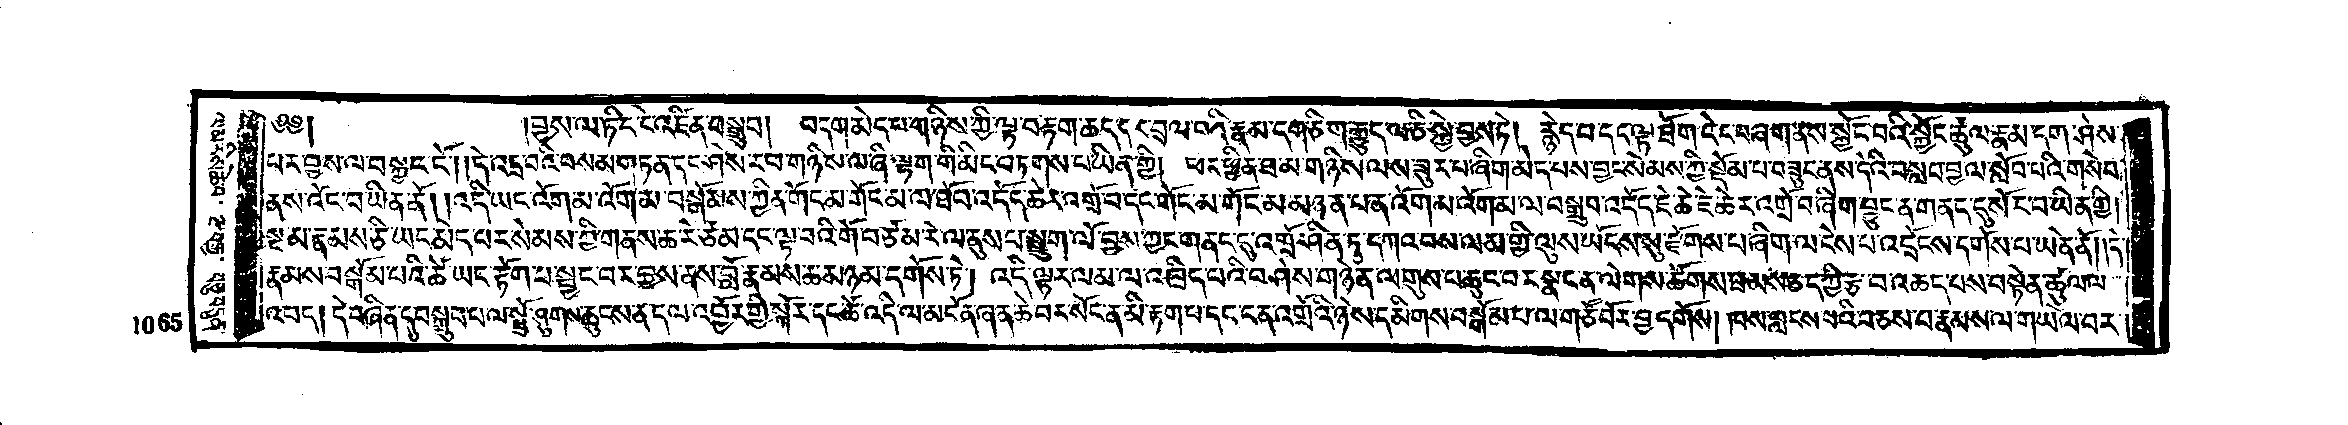༄༅། །བྱས་ལ་ཏིང་ངེ་འཛིན་བསྒྲུབ། བདག་མེད་པ་གཉིས་ཀྱི་ལྟ་བ་རྟག་ཆད་དང་བྲལ་བའི་རྣམ་དག་ཅིག་རྒྱུད་ལ་ཅི་སྐྱེ་བྱས་ཏེ། རྙེད་པ་དང་ལྟ་ཐོག་དེར་བཞག་ནས་སྐྱོང་བའི་སྐྱོང་ཚུལ་རྣམ་དག་ཤེས་
པར་བྱས་ལ་བསྐྱང་ངོ། །དེ་འདྲ་བའི་བསམ་གཏན་དང་ཤེས་རབ་གཉིས་ལ་ཞི་ལྷག་གི་མིང་བཏགས་པ་ཡིན་གྱི། ཕར་ཕྱིན་ཐ་མ་གཉིས་ལས་ཟུར་པ་ཞིག་མེད་པས་བྱང་སེམས་ཀྱི་སྡོམ་པ་བཟུང་ནས་དེའི་བསླབ་བྱ་ལ་སློབ་པའི་གསེབ་
ནས་འོང་བ་ཡིན་ནོ། །འདི་ཡང་འོག་མ་འོག་མ་བསྒོམས་ཀྱིན་གོང་མ་གོང་མ་ལ་ཐོབ་འདོད་ཆེར་འགྲོ་བ་དང་གོང་མ་གོང་མ་མཉན་པ་ན་འོག་མ་འོག་མ་ལ་བསྒྲུབ་འདོད་ཇེ་ཆེ་ཇེ་ཆེར་འགྲོ་བ་ཞིག་བྱུང་ན་གནད་དུ་སོང་བ་ཡིན་གྱི།
སྔ་མ་རྣམས་ཅི་ཡང་མེད་པར་སེམས་ཀྱི་གནས་ཆ་རེ་ཙམ་དང་ལྟ་བའི་གོ་བ་ཙམ་རེ་ལ་ནུས་པ་སྤྲུག་ལོ་བྱས་ཀྱང་གནད་དུ་འགྲོ་ཤིན་ཏུ་དཀའ་བས་ལམ་གྱི་ལུས་ཡོངས་སུ་རྫོགས་པ་ཞིག་ལ་ངེས་པ་འདྲོངས་དགོས་པ་ཡིན་ནོ། །དེ་
རྣམས་བསྒོམ་པའི་ཚེ་ཡང་རྟོག་པ་སྦྱང་བར་བྱས་ནས་བློ་རྣམས་ཆ་མཉམ་དགོས་ཏེ། འདི་ལྟར་ལམ་ལ་འཁྲིད་པའི་བཤེས་གཉེན་ལ་གུས་པ་ཆུང་བར་སྣང་ན་ལེགས་ཚོགས་ཐམས་ཅད་ཀྱི་རྩ་བ་འཆད་པས་བསྟེན་ཚུལ་ལ་
འབད། དེ་བཞིན་དུ་བསྒྲུབ་པ་ལ་སྤྲོ་ཤུགས་ཆུངས་ན་དལ་འབྱོར་གྱི་སྐོར་དང་ཚེ་འདི་ལ་མངོན་ཞེན་ཆེ་བར་སོང་ན་མི་རྟག་པ་དང་ངན་འགྲོའི་ཉེས་དམིགས་བསྒོམ་པ་ལ་གཙོ་བོར་བྱ་དགོས། ཁས་བླངས་པའི་བཅས་པ་རྣམས་ལ་གཡེལ་བར་